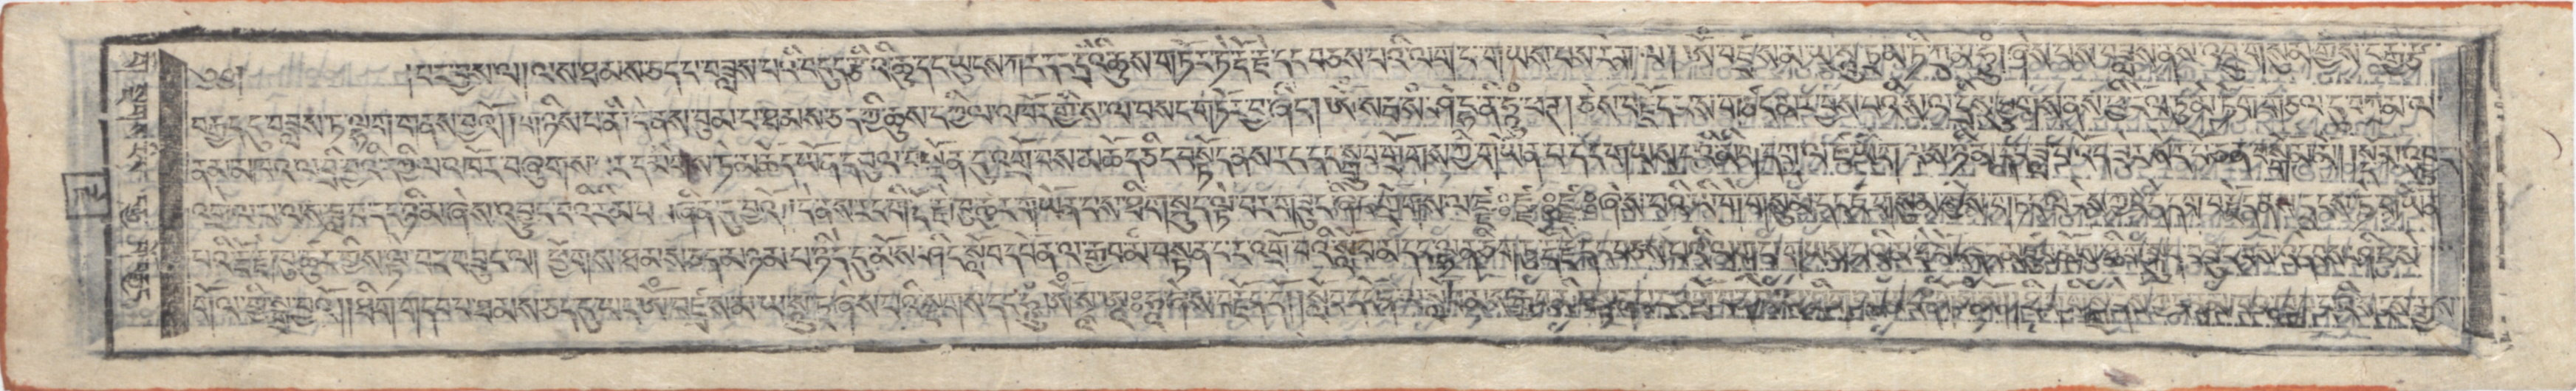༄༅། །པར་བྱས་ལ། ལས་ཐམས་ཅད་པ་བཟླས་པའི་བདུད་རྩིའི་ཆུ་དང་ཡུངས་ཀར་དང་དྲིའི་ཆུས་གཏོར་ཏེ་རྡོ་རྗེ་དང་བཅས་པའི་ལག་པ་གཡས་པས་རེག་ལ། ཨོཾ་བཛྲ་ས་མ་ཡ་སཱུ་ཏྲ་མ་ཏི་ཀྲ་མ་ཧཱུཾ། ཞེས་པས་བཟླས་ནས་འབྲུ་གསུམ་གྱིས་བརྒྱ་རྩ་
བརྒྱད་དུ་བཟླས་ཏ་ལྷག་གནས་བྱའོ། །གཉིས་པ་ནི། དེ་ནས་བུམ་པ་ཐམས་ཅད་ཀྱི་ཆུས་དཀྱིལ་འཁོར་གྱི་ས་ལ་བསང་གཏོར་བྱ་ཞིང་། ཨོཾ་སརྦ་སཾ་ཤོ་དྷ་ནི་ཧཱུཾ་ཕཊ། ཅེས་བརྗོད་པས་གཙང་མར་བྱས་པའི་ས་ལ་དྲིས་བྱུགས་ནས་ཕྱི་རོལ་ཏུ་མེ་ཏོག་གཙལ་དུ་བཀྲམ་ལ་
ནམ་མཁའ་ལ་བྲི་བྱའི་དཀྱིལ་འཁོར་བཞུགས་པར་དམིགས་ཏེ་མཆོད་ཡོན་དབུལ་བ་སྔོན་དུ་འགྲོ་བས་མཆོད་ཅིང་བསྟོད་ནས་རང་དང་སྒྲུབ་གྲོགས་ཀྱི་གཡོན་པ་དང་གཡས་པའི་མིག་དག་ལ་ཛ་ཡིག་ལས་ཉི་མ་དང་ཟླ་བ་འོད་ཟེར་སེར་པོ་ཅན་བསྒོམ་མོ། །སྡོམ་འབྱུང་
འགྲེལ་པ་ལས་ཟླ་བ་དང་ཉི་མ་ཞེས་འབྱུང་བའི་རིམ་པ་བཞིན་དུ་བྱའོ། །དེ་ནས་རང་གི་རྡོ་རྗེ་ཁུ་ཚུར་གཡོན་པས་ཐིག་སྐུད་ལྟེ་བར་གཟུང་ཞིང་གྲོགས་ལ་ཛྫཿ ཛྫཿ ཛྫཿ ཞེས་པའི་ཡི་གེ་གསུམ་དང་ཇ་གསུམ་གྱིས་གཏང་ལ་དེས་ཀྱང་དེ་དག་བརྗོད་ནས་དྲངས་ཏེ་གཡོན་
པའི་རྡོ་རྗེ་ཁུ་ཚུར་གྱིས་ལྟེ་བར་བཟུང་ལ། ཕྱོགས་ཐམས་ཅད་མཉམ་པ་ཉིད་དུ་མོས་ཤིང་སློབ་དཔོན་ལ་རྒྱབ་མི་བསྟན་པར་འགྲོ་བའི་སློབ་མ་དང་ལྷན་ཅིག་ཏུ་རྡོ་རྗེ་དང་བཅས་པའི་ལག་པ་གཡས་པའི་མཐེ་བོང་དང་མཛུབ་མོས་ཐིག་སྐུད་བཟུང་བས་འདེབས་ཤིང་སེ་
གོལ་གྱི་སྒྲ་བྱའོ། །ཐིག་གདབ་པ་ཐམས་ཅད་དུ་ཡང་ཨོཾ་བཛྲ་ས་མ་ཡ་སཱུ་ཏྲ་ཞེས་པའི་སྔགས་དང་ཧཱུཾ་ཨོཾ་སྭཱ་ཨཱཿ ཧཱ་ཞེས་བརྗོད་དོ། །སློབ་དཔོན་ལ་སློབ་མས་རྒྱབ་མི་བསྟན་པར་འགྲོ་བ་ནི་ལས་ཐིག་ལ་ཡང་དགོས་སོ། །ཐིག་གི་སྒྲ་དེས་ཀྱང་ནམ་མཁའ་ཁྱབ་པའི་སངས་རྒྱས་